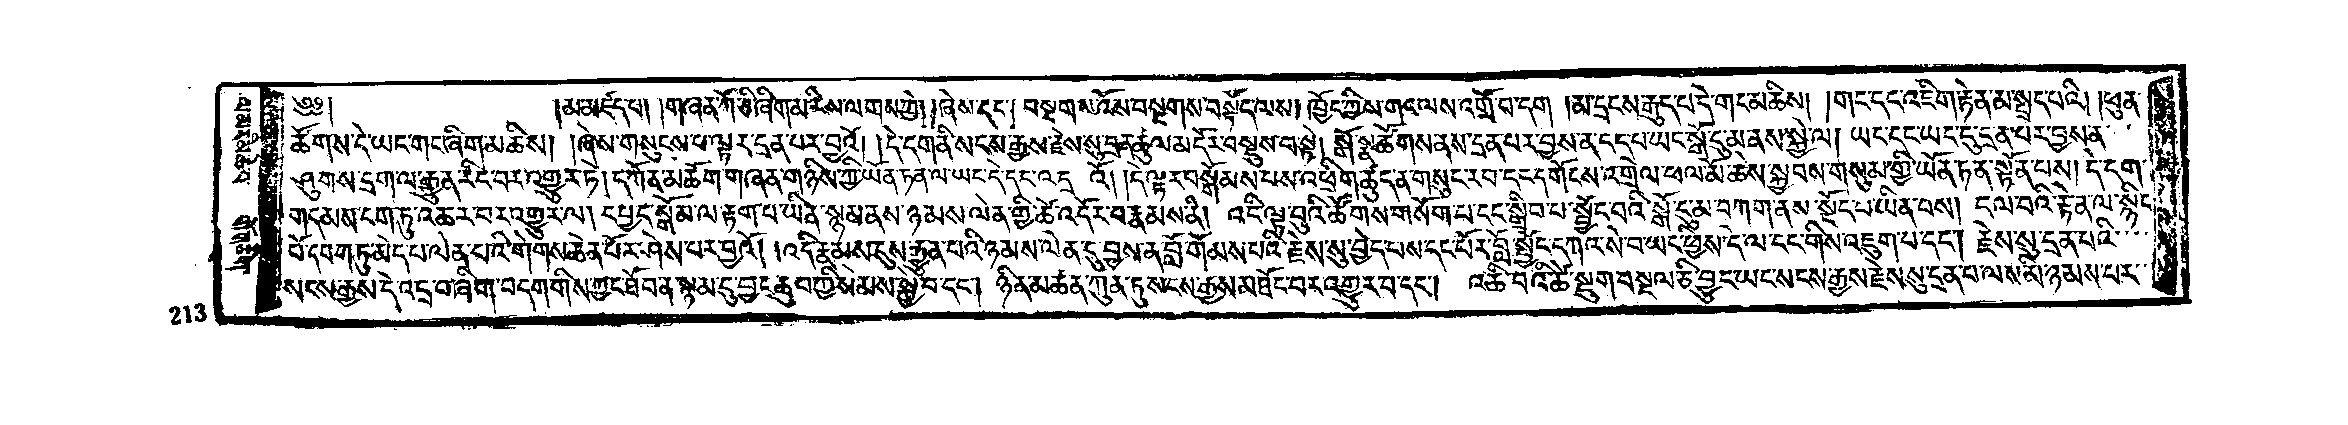༄༅། །མ་མཛད་པ། །གཞན་ཀོ་ཅི་ཞིག་མཆིས་ལགས་ཀྱེ། །ཞེས་དང་། བསྔགས་འོས་བསྔགས་བསྟོད་ལས། ཁྱོད་ཀྱིས་གང་ལས་འགྲོ་བ་དག །མ་དྲངས་རྒུད་པ་དེ་གང་མཆིས། །གང་དང་འཇིག་རྟེན་མ་སྤྲད་པའི། །ཕུན་
ཚོགས་དེ་ཡང་གང་ཞིག་མཆིས། །ཞེས་གསུངས་པ་ལྟར་དྲན་པར་བྱའོ། །དེ་དག་ནི་སངས་རྒྱས་རྗེས་སུ་དྲན་ཚུལ་མདོར་བསྡུས་པ་སྟེ། སྒོ་སྣ་ཚོགས་ནས་དྲན་པར་བྱས་ན་དད་པ་ཡང་སྒོ་དུ་མ་ནས་སྐྱེ་ལ། ཡང་དང་ཡང་དུ་དྲན་པར་བྱས་ན་
ཤུགས་དྲག་ལ་རྒྱུན་རིང་བར་འགྱུར་ཏེ། དཀོན་མཆོག་གཞན་གཉིས་ཀྱི་ཡོན་ཏན་ལ་ཡང་དེ་དང་འདྲའོ། །དེ་ལྟར་བསྒོམས་པས་འཕྲིག་ཚུད་ན་གསུང་རབ་དང་དགོངས་འགྲེལ་ཕལ་མོ་ཆེས་སྐྱབས་གསུམ་གྱི་ཡོན་ཏན་སྟོན་པས། དེ་དག་
གདམས་ངག་ཏུ་འཆར་བར་འགྱུར་ལ། དཔྱད་སྒོམ་ལ་རྟོག་པ་ཡིན་སྙམ་ནས་ཉམས་ལེན་གྱི་ཚེ་འདོར་བ་རྣམས་ནི། འདི་ལྟ་བུའི་ཚོགས་གསོག་བ་དང་སྒྲིབ་པ་སྦྱོང་བའི་སྒོ་དུ་མ་བཀག་ནས་སྡོད་པ་ཡིན་པས། དལ་བའི་རྟེན་ལ་སྙིང་
པོ་དཔག་ཏུ་མེད་པ་ལེན་པའི་གེགས་ཆེན་པོར་ཤེས་པར་བྱའོ། །འདི་རྣམས་དུས་རྒྱུན་པའི་ཉམས་ལེན་དུ་བྱས་ན་བློ་གོམས་པའི་རྗེས་སུ་བྱེད་པས་དང་པོར་བློ་སྦྱོང་དཀའ་སེ་བ་ཡང་ཕྱིས་དེ་ལ་ངང་གིས་འཇུག་པ་དང་། རྗེས་སུ་དྲན་པའི་
སངས་རྒྱས་དེ་འདྲ་བ་ཞིག་བདག་གིས་ཀྱང་ཐོབ་ན་སྙམ་དུ་བྱང་ཆུབ་ཀྱི་སེམས་སྐྱེ་བ་དང་། ཉིན་མཚན་ཀུན་ཏུ་སངས་རྒྱས་མཐོང་བར་འགྱུར་བ་དང་། འཆི་བའི་ཚེ་སྡུག་བསྔལ་ཅི་བྱུང་ཡང་སངས་རྒྱས་རྗེས་སུ་དྲན་པ་ལས་མི་ཉམས་པར་